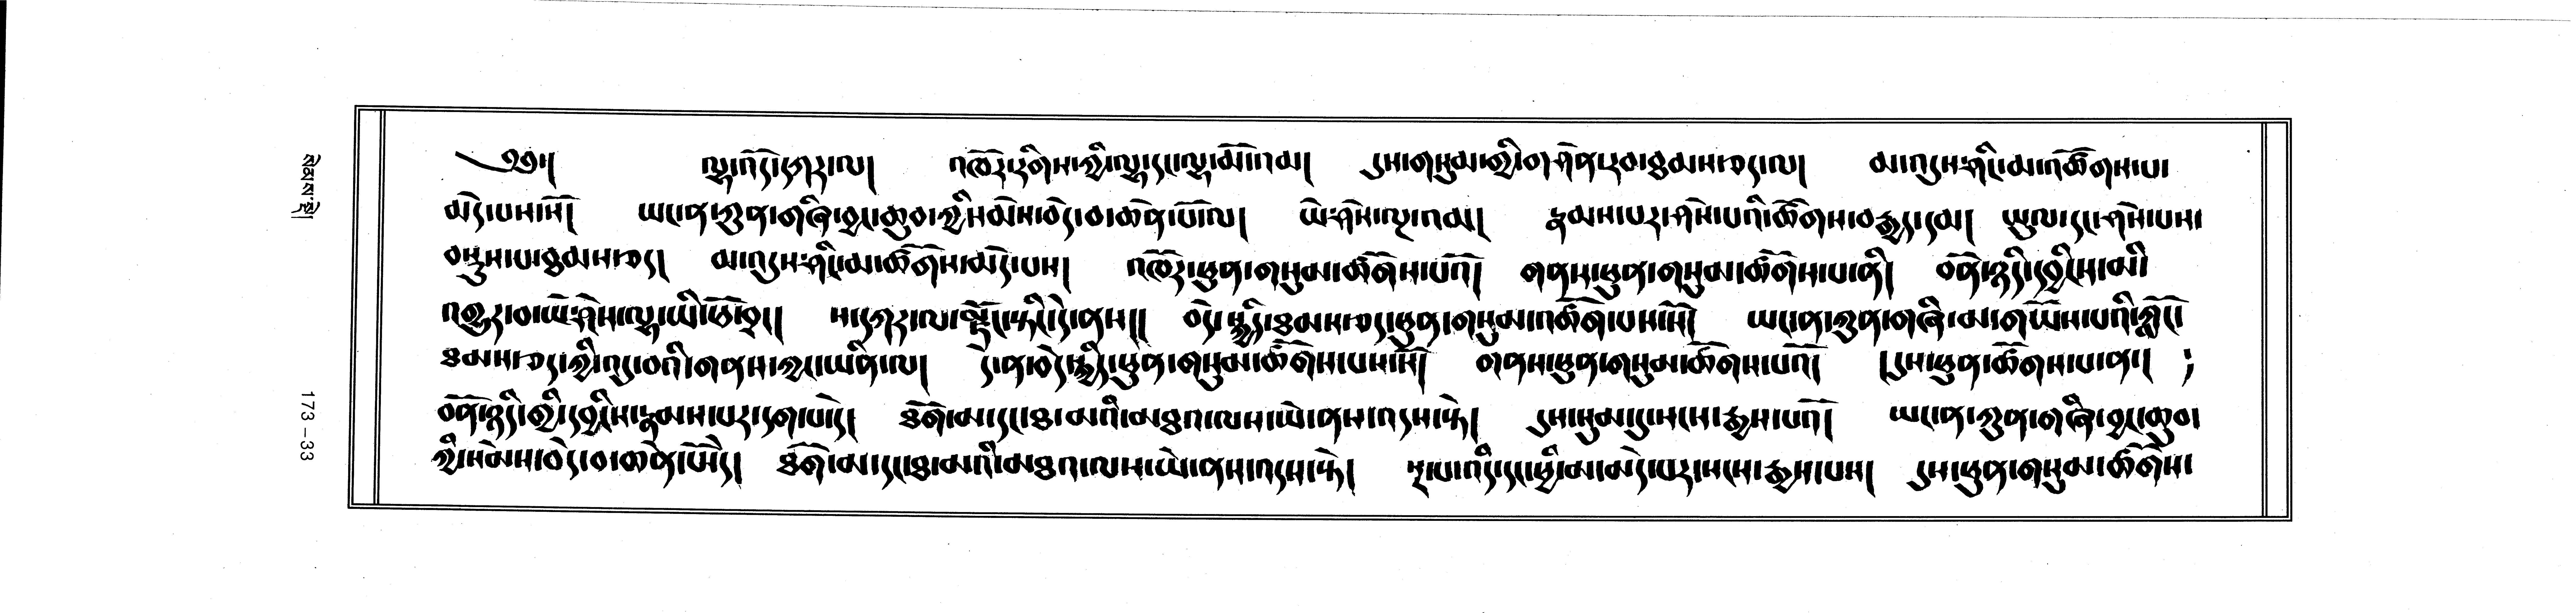ལྷ་འོད་དཀར་ལ། འཁོར་རིགས་ཀྱི་ལྷ་དང་ལྷ་མོའམ། དུས་གསུམ་གྱི་གཤེན་རབ་ཐམས་ཅད་ལ། མ་འདུས་ཤིང་མ་འཚོགས་པ་
མེད་པས་སོ། །ཡང་ན་ཀུན་གཞི་བྱང་ཆུབ་ཀྱི་སེམས་བདེ་བ་ཆེན་པོ་ལ། ཡེ་ཤེས་ལྔའམ། རྣམ་པར་ཤེས་པ་ཚོགས་བརྒྱད་དམ། ཡུལ་དང་ཤེས་པས་
བསྡུས་པ་ཐམས་ཅད། མ་འདུས་ཤིང་མ་འཚོགས་པ་མེད་པས། འཁོར་ཕུན་སུམ་ཚོགས་པའོ། །གནས་ཕུན་སུམ་ཚོགས་པ་ནི། བོན་ཉིད་དབྱིངས་མི་
འགྱུར་བ་ཡེ་ཤེས་ལྷ་ཡི་ཕོ་བྲང་། ས་དཀར་ལ་ལྗོན་སྟེང་དེ་ནས། བདེ་སྐྱིད་ཐམས་ཅད་ཕུན་སུམ་ཚོགས་པས་སོ། །ཡངན་ཀུན་གཞི་མ་གཡོས་པའི་ཀློང་
ཐམས་ཅད་ཀྱི་འདུ་བའི་གནས་ཀྱང་ཡིན་ལ། དེ་ན་བདེ་སྐྱིད་ཕུན་སུམ་ཚོགས་པའོ། །གནས་ཕུན་སུམ་ཚོགས་པའོ། །དུས་ཕུན་སུམ་ཚོགས་པ་ན། 
བོན་ཉིད་ཀྱི་དབྱིངས་རྣམ་པར་དག་པ་སྟེ། ཐོག་མ་དང་ཐ་མའི་མཐའ་ལས་ཡེ་ནས་འདས་ཏེ། དུས་གསུམ་དུ་སངས་རྒྱས་པའོ། །ཡང་ན་ཀུན་གཞི་བྱང་ཆུབ་
ཀྱི་སེམས་བདེ་བ་ཆེན་པོའི་སེམས་དེ། ཐོག་མ་དང་ཐ་མའི་མཐཌྷ་ལས་ཡེ་ནས་འདས་སྟེ། སྔ་པ་འདི་དང་ཕྱི་མ་མེད་པར་ཡེ་ནས་སངས་རྒྱས་པས། དུས་ཕུན་སུམ་ཚོགས་